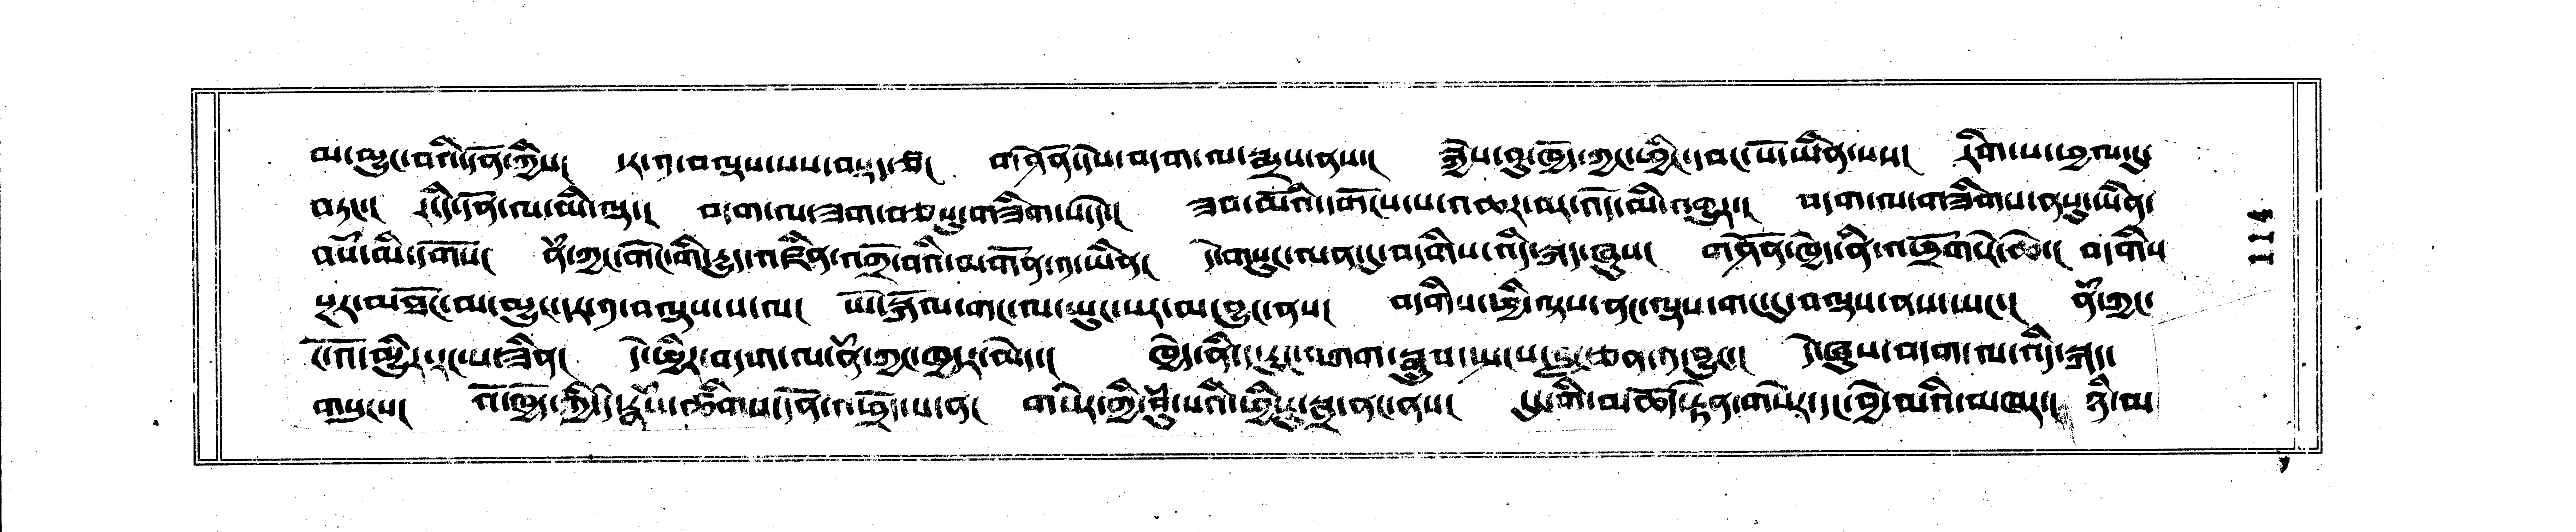མ་མྱོང་བའི་དོན་གྱིས། དར་གཅིག་བལྟས་པས་བསྡད་ཙ། གཤེན་པོ་དེས་བདག་ལ་སྨྲས་ནས། སྐྱེས་བུ་ཁྱོད་ཀྱང་ཕྱི་ནང་དབང་པོ་ཡིན་པས། རིག་པ་ཕྱལ་དུ་
བཏང་། རང་ཉིད་དོན་ལ་མི་ལྟ། བདག་ལ་ཟག་བཅས་སུ་གཟིགས་པ་དེ། ཟབ་མོའི་དགོངས་པ་འཆར་བར་འོད་མི་འགྱུར། བདག་ལ་གཟིགས་ནས་སུ་ཡིན་
བསམ་མི་དགོས། ནམ་ཀྱང་གོང་གི་རྒྱུད་འཛིན་འགྲོ་བའི་མགོན་གཅིག་ཡིན། དེ་གསུངས་ལན་དུ་བདག་གིས་འདི་སྐད་ཞུས། གཤེན་པོ་ཁྱེད་ནི་འཕྲག་དོག་རེ་ཆེ། བདག་གིས་
སྔར་མཐོང་མ་མྱོང་དར་གཅིག་བལྟས་པ་ལ། ཡོ་སྐོལ་༼འོ་སྐོལ༽གང་ལ་ཡུང་སར་མ་བྱུང་ནས། བདག་གིས་ཕྱི་ལྟས་ནང་ལྟས་གང་དུ་བལྟས་ནས་ཡང་། ནམ་ཀྱང་
ངོ་བོ་མི་འགྱུར་རང་ས་ཟིན། དེ་ཕྱིར་བདག་ལ་ནམ་ཀྱང་ཁྱད་པར་མེད། ཁྱེད་ནི་ད་རུང་དགག་སྒྲུབ་སྤང་བླང་ཅན་གཅིག་བྱུང་། དེ་ཞུས་བདག་ལ་འདི་སྐད་
གསུངས། འོ་ཁྱོད་ཀྱི་དེ་རྣམས་ཚིག་དོན་འཕྲོད་པ་ན། གསེར་གྱི་བུམ་པའི་ཕྱི་རུ་སྦ་ནང་ནས། དུང་གི་མཆོད་རྟེན་གསེར་དང་བྱེ་མའི་མཁར། ཉི་མ་